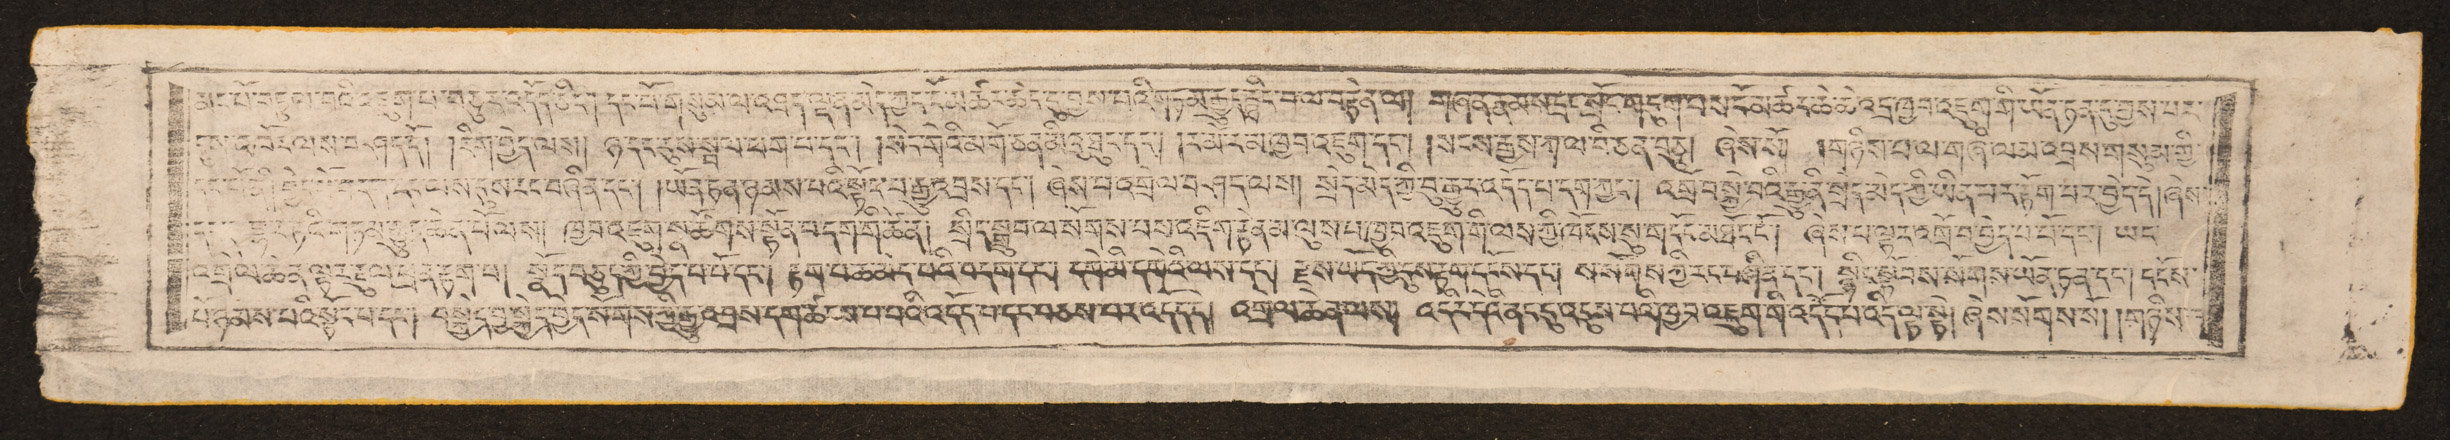མང་པོ་བཏུལ་བའི་འཇུག་པ་བཅུར་འདོད་ཅིང་། དང་པོ་གསུམ་ལ་འཐད་ལྡན་མེད་ཀྱང་ངོ་མཚར་ཆེད་དུ་བྱས་པའི་གཏམ་རྒྱུད་རྙིང་བ་ལ་བརྟེན་ལ། གཞན་རྣམས་དྲང་སྲོང་གདུག་པས་ངོ་མཚར་ཆེ་ཆེ་འདྲ་ཁྱབ་འཇུག་གི་ཡོན་ཏན་དུ་བྱས་པར་
དུས་འཁོར་ལས་བཤད་དོ། །རིག་བྱེད་ལས། ཉ་དང་རུས་སྦལ་ཕག་པ་དང་། །སེང་གེའི་མགོ་ཅན་མིའུ་ཐུང་དང་། །ར་མོ་རམ་ཁྱབ་འཇུག་དང་། །སངས་རྒྱས་ཀ་ལ་བི་ཅན་བཅུ། ཞེས་སོ། །གཉིས་པ་ལ་གཞི་ལམ་འབྲས་གསུམ་གྱི་
དང་པོ་ནི། བྱེད་པོ་བདག་དང་ལས་དུས་རང་བཞིན་དང་། །ཡོན་ཏན་ཉམས་པའི་སྟོང་པ་རྒྱུ་འབྲས་དང་། ཞེས་པ་འགྲེལ་བཤད་ལས། སྲེད་མེད་ཀྱི་བུ་རྒྱུར་འདོད་པ་དག་ཀྱང་། འགྲོ་བ་སྐྱེ་བའི་རྒྱུ་ནི་སྲེད་མེད་ཀྱི་ཡིན་པར་རྟོག་པར་བྱེད་དེ། ཞེས་
དང༑ བྷ་ར་ཏའི་གཏམ་རྒྱུད་ཆེན་པོ་ལས། ཁྱབ་འཇུག་སྣ་ཚོགས་སྟོན་པ་དག་གི་ཚེ་ན། སྲིད་སྒྲུབ་ལ་སོགས་པས་འཇིག་རྟེན་མ་ལུས་པ་ཁྱབ་འཇུག་གི་ལས་ཀྱི་ཁོངས་སུ་གདོང་མཐོང་ངོ། ཞེས་པ་ལྟར་འགྲོ་བ་བྱེད་པ་པོ་དང་། ཡང་
འགྲེལ་ཆེན་ལྟར་རྡུལ་ཕྲན་རྟག་པ། སྣོད་བཅུད་ཀྱི་བྱེད་པ་པོ་དང་། རྟག་པ་ཆ་མེད་པའི་བདག་དང་། དགེ་མི་དགེའི་ལས་དང་། རྫས་ཡོད་ཀྱི་དུས་རྟག་དངོས་དང་། ས་སོགས་ཀྱི་རང་བཞིན་དང་། སྙིང་སྟོབས་སོགས་ཡོན་ཏན་དང་། དངོས་
པོ་ཉམས་པའི་སྟོང་པ་དང་། བསྐྱེད་བྱ་སྐྱེད་བྱེད་སོགས་ཀྱི་རྒྱུ་འབྲས་དག་ཚངས་པ་པའི་འདོད་པ་དང་བཅས་པར་འདོད་དེ། འགྲེལ་ཆེན་ལས། འདིར་དེའི་ནང་དུ་འདུས་པའི་ཁྱབ་འཇུག་གི་འདོད་པ་འདི་ལྟ་སྟེ། ཞེས་སོགས་སོ། །གཉིས་